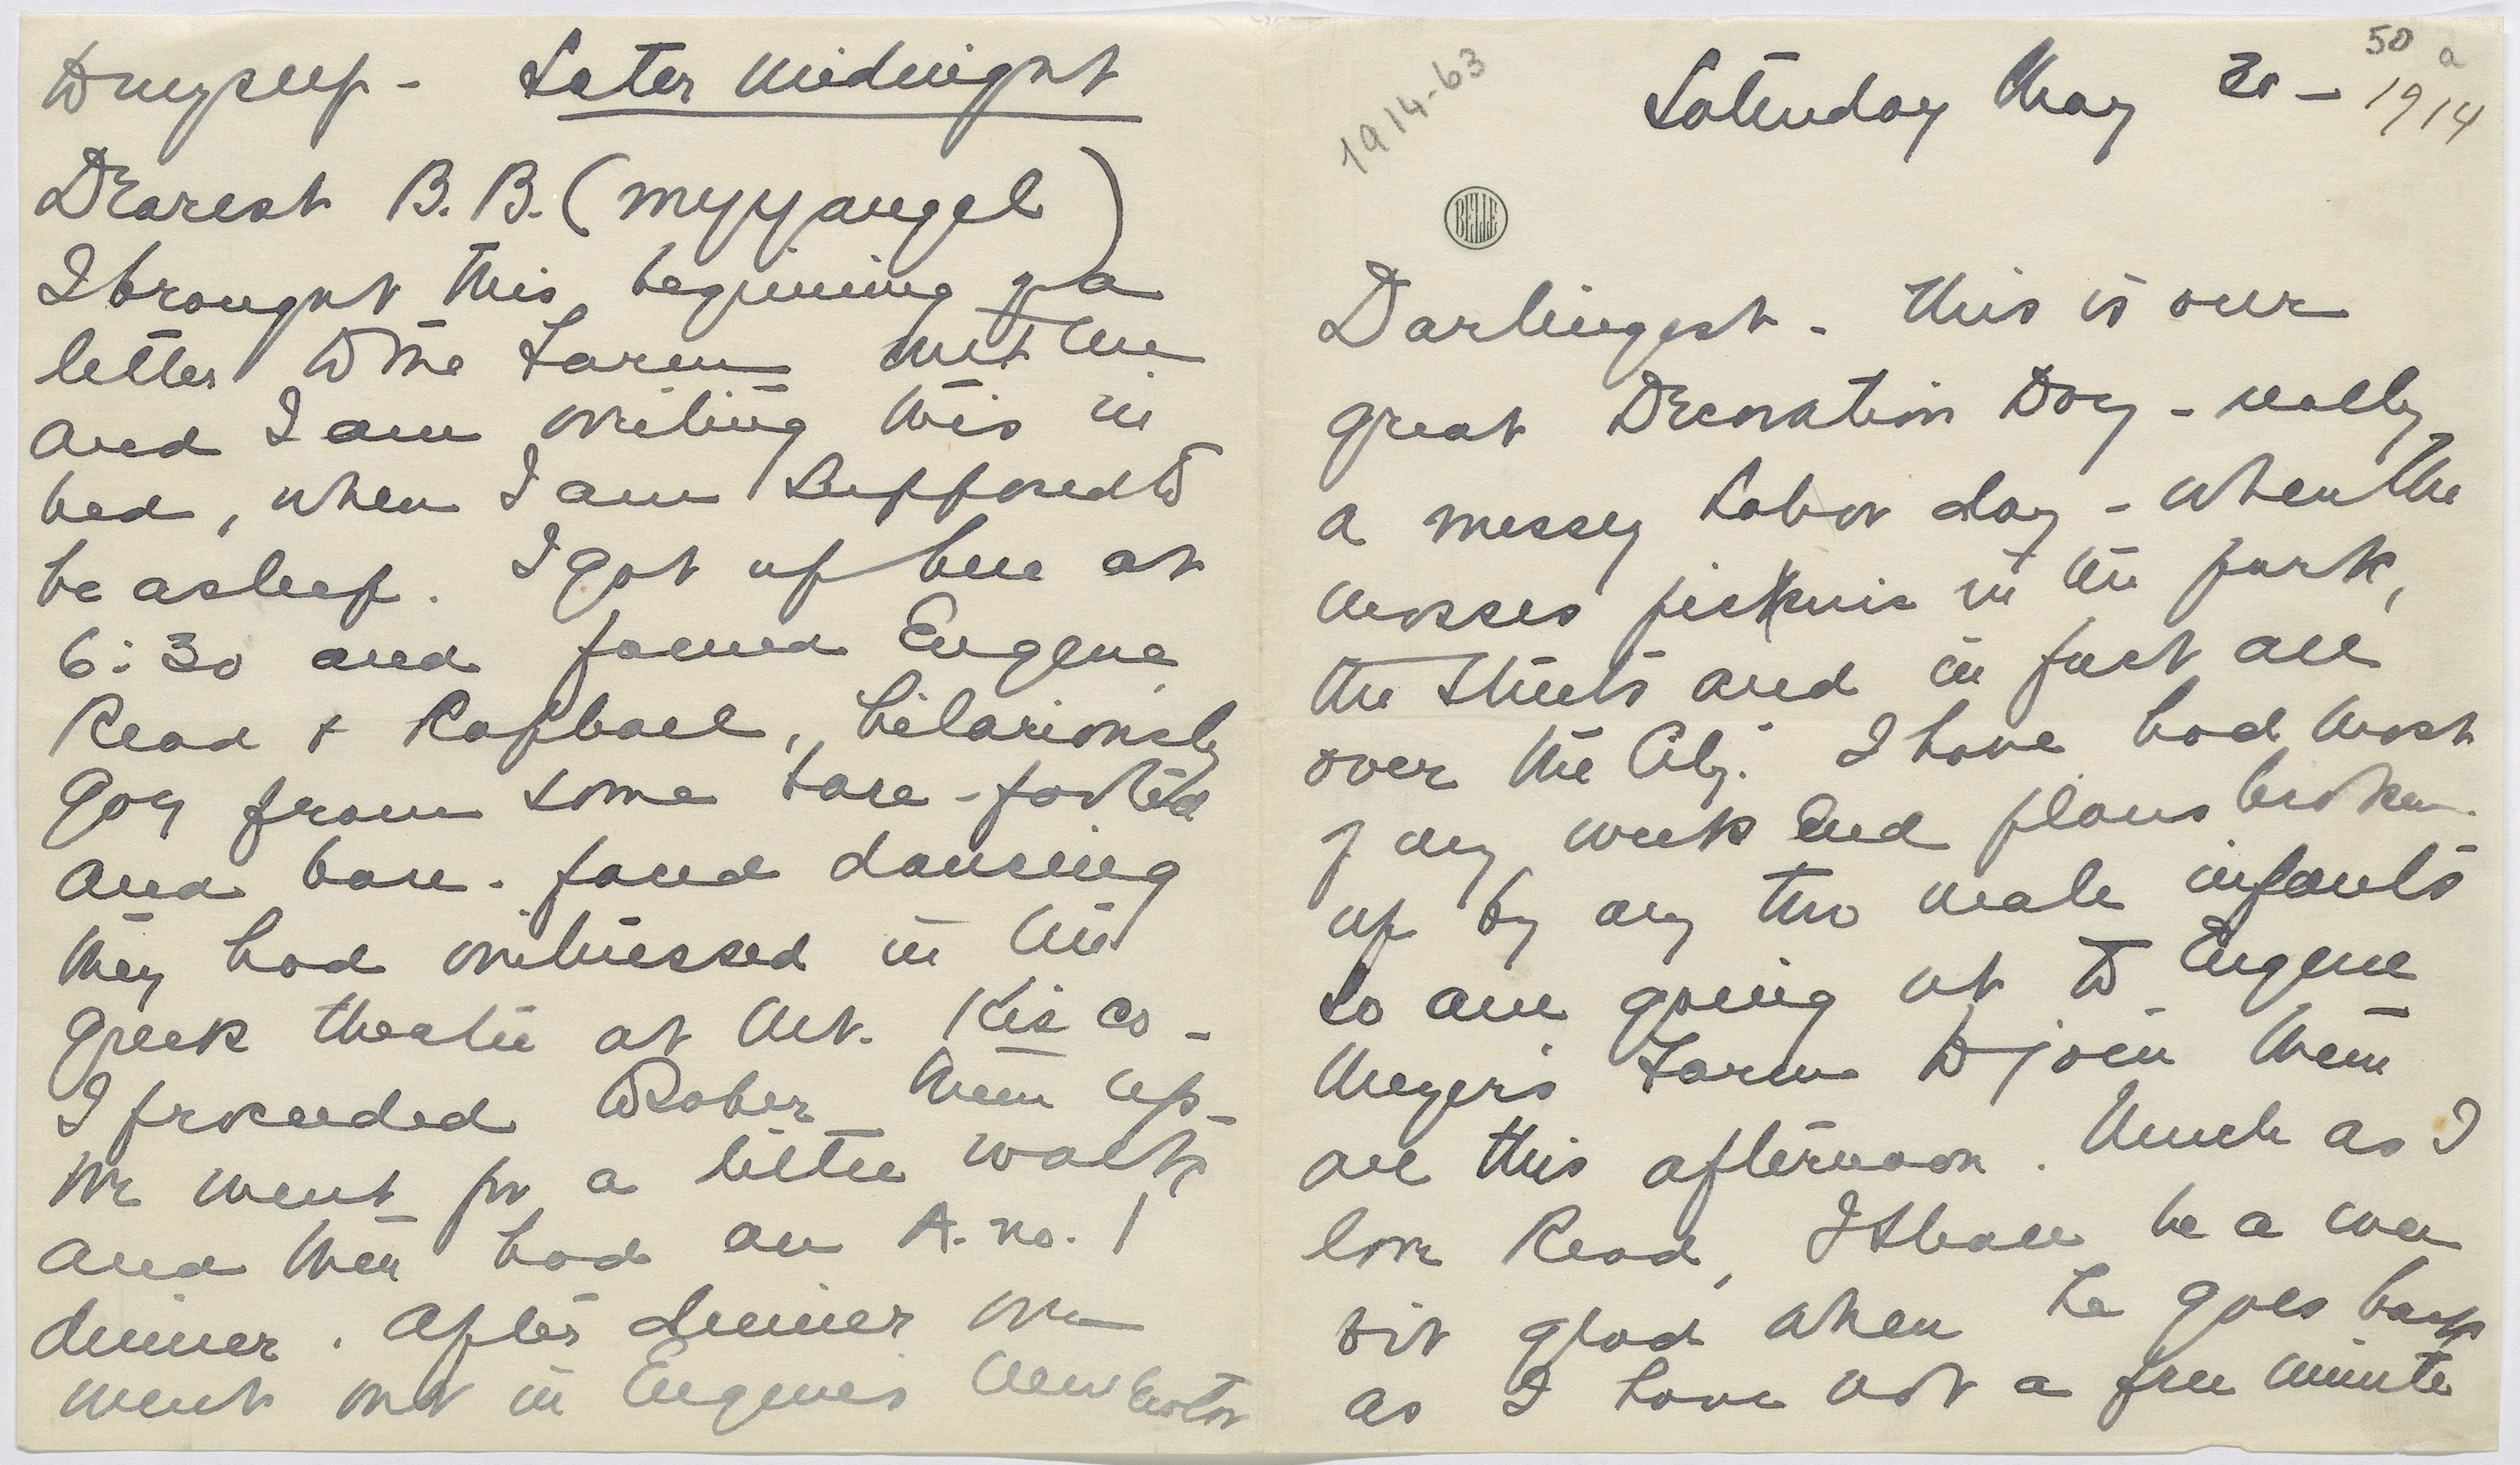Saturday, May 30 –
Darlingest – This is our great Decoration Day – really a messy Labor day – when the masses picknic in the park, the streets and in fact all over the City. I have had most of my weekend plans broken up by my two male infants so am going up to Eugene Meyer’s Farm to join them all this afternoon. Much as I love Read, I shall be a wee bit glad when he goes back as I have not a free minute
to myself – Later midnight
Dearest B.B. (myy angel)
I brought this beginning of a letter to the Farm with me and I am writing this in bed, when I am supposed to be asleep. I got up here at 6:30 and found Eugene, Read & Raphael, hilariously gay from some bare-footed and bare-faced dancing they had witnessed in the Greek theatre at Mt. Kisco – I proceeded to sober them up – We went for a little walk and then had an A. no. 1 dinner. After dinner we went out in Eugene’s new motor